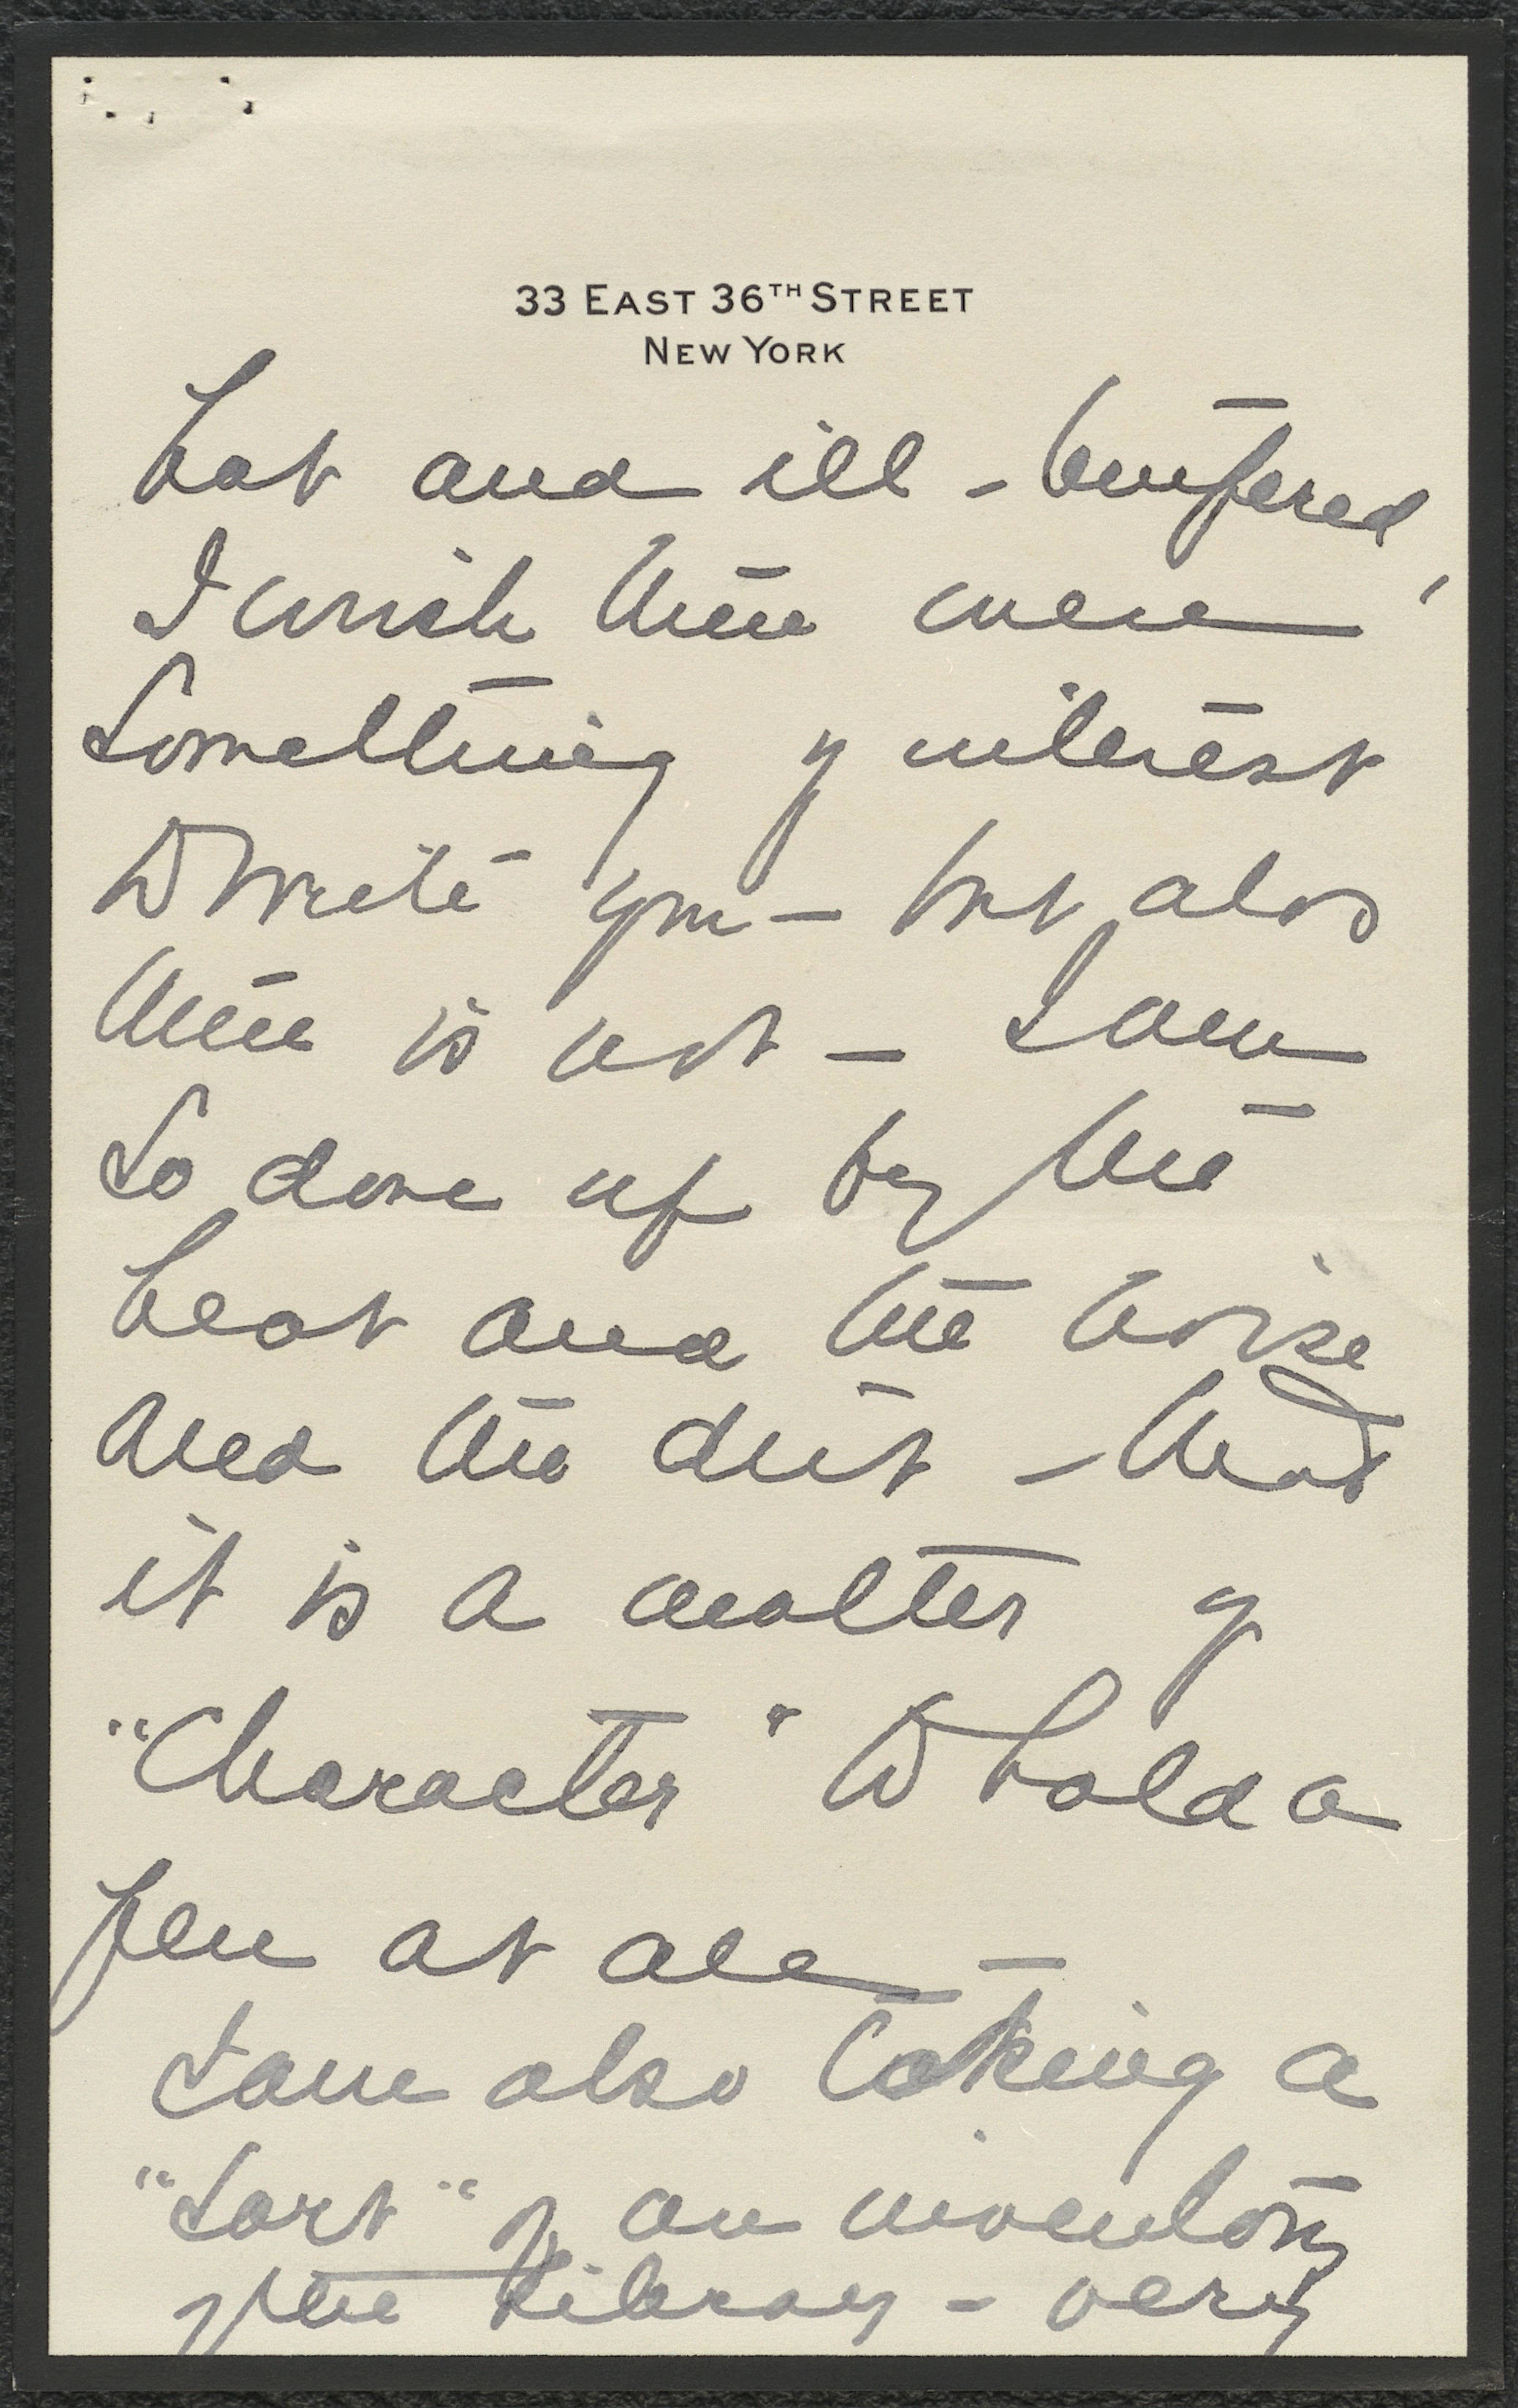hot and ill-tempered, I wish there were something of interest to write you – but alas there is not – I am so done up by the heat and the noise and the dirt – that it is a matter of “character” to hold a pen at all –
I am also taking a “sort” of an inventory of the Library – very